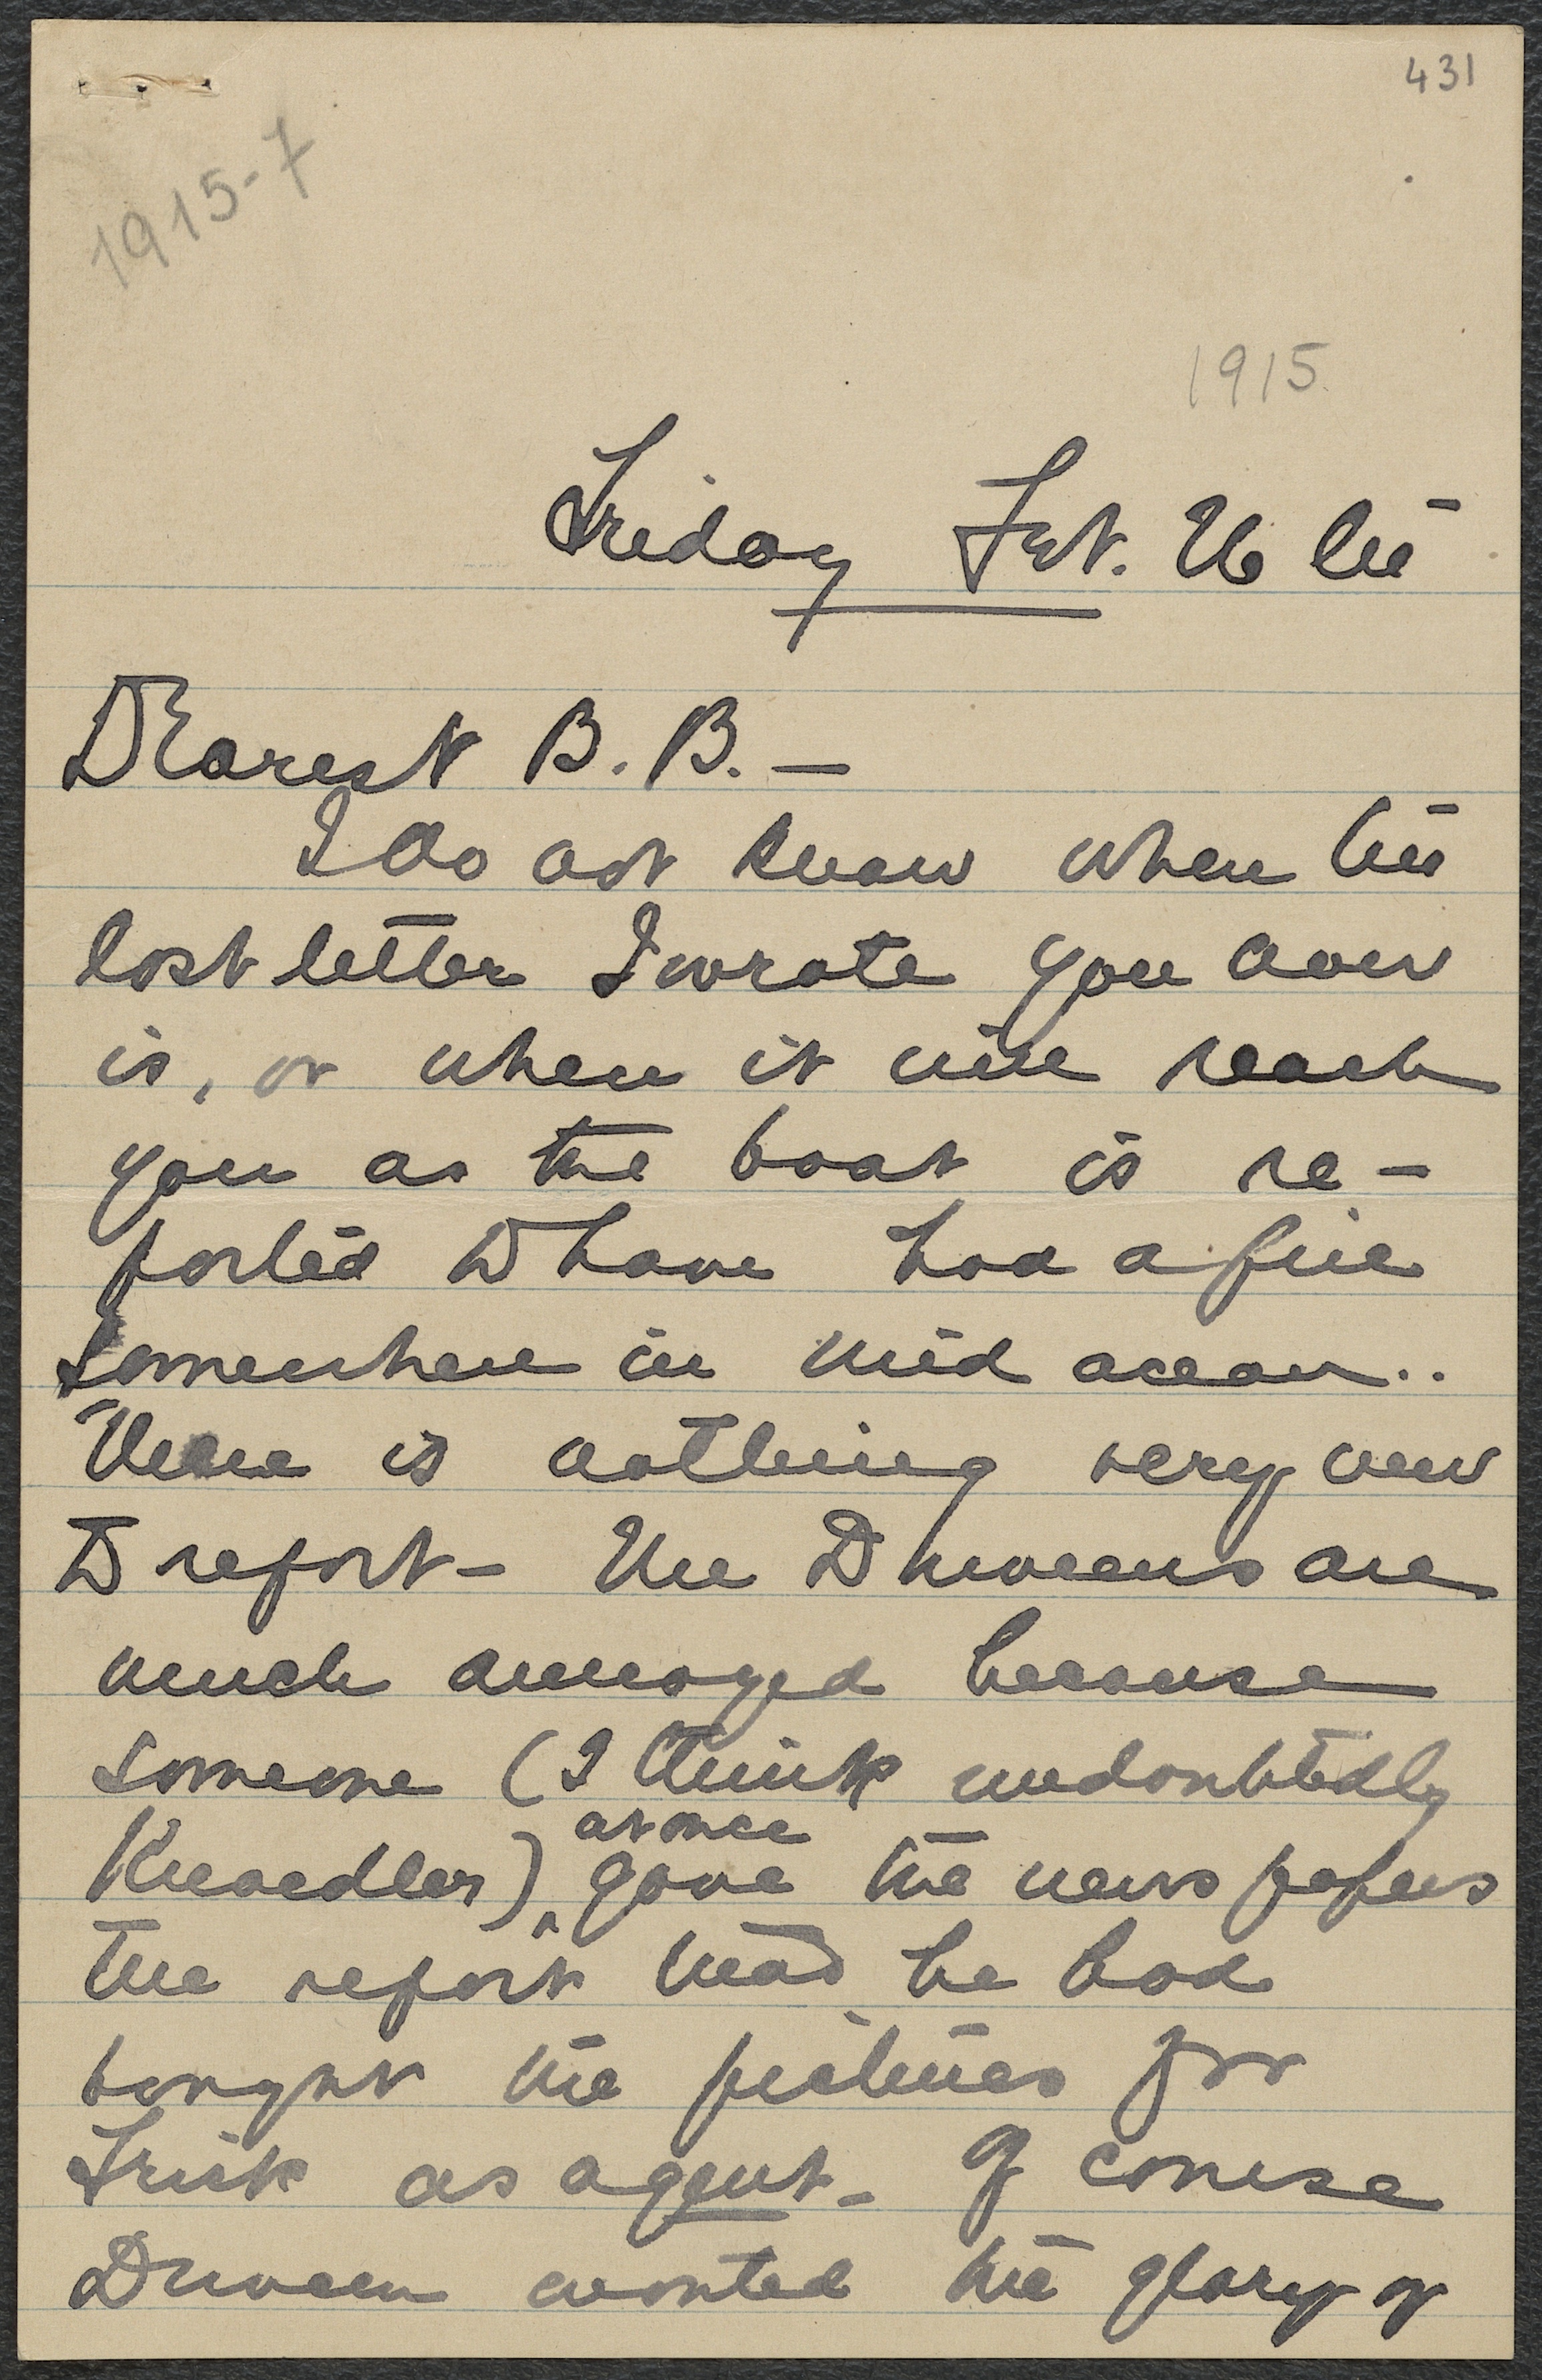Friday, Feb. 26th
Dearest B. B. –
I do not know when the last letter I wrote you now is, or when it will reach you as the boat is reported to have had a fire somewhere in mid ocean. There is nothing very new to report – The Duveens are much annoyed because someone (I think undoubtedly Knoedler) [^at once^] gave the newspapers the report that he had bought the pictures for Frick as agent – of course Duveen wanted the glory of